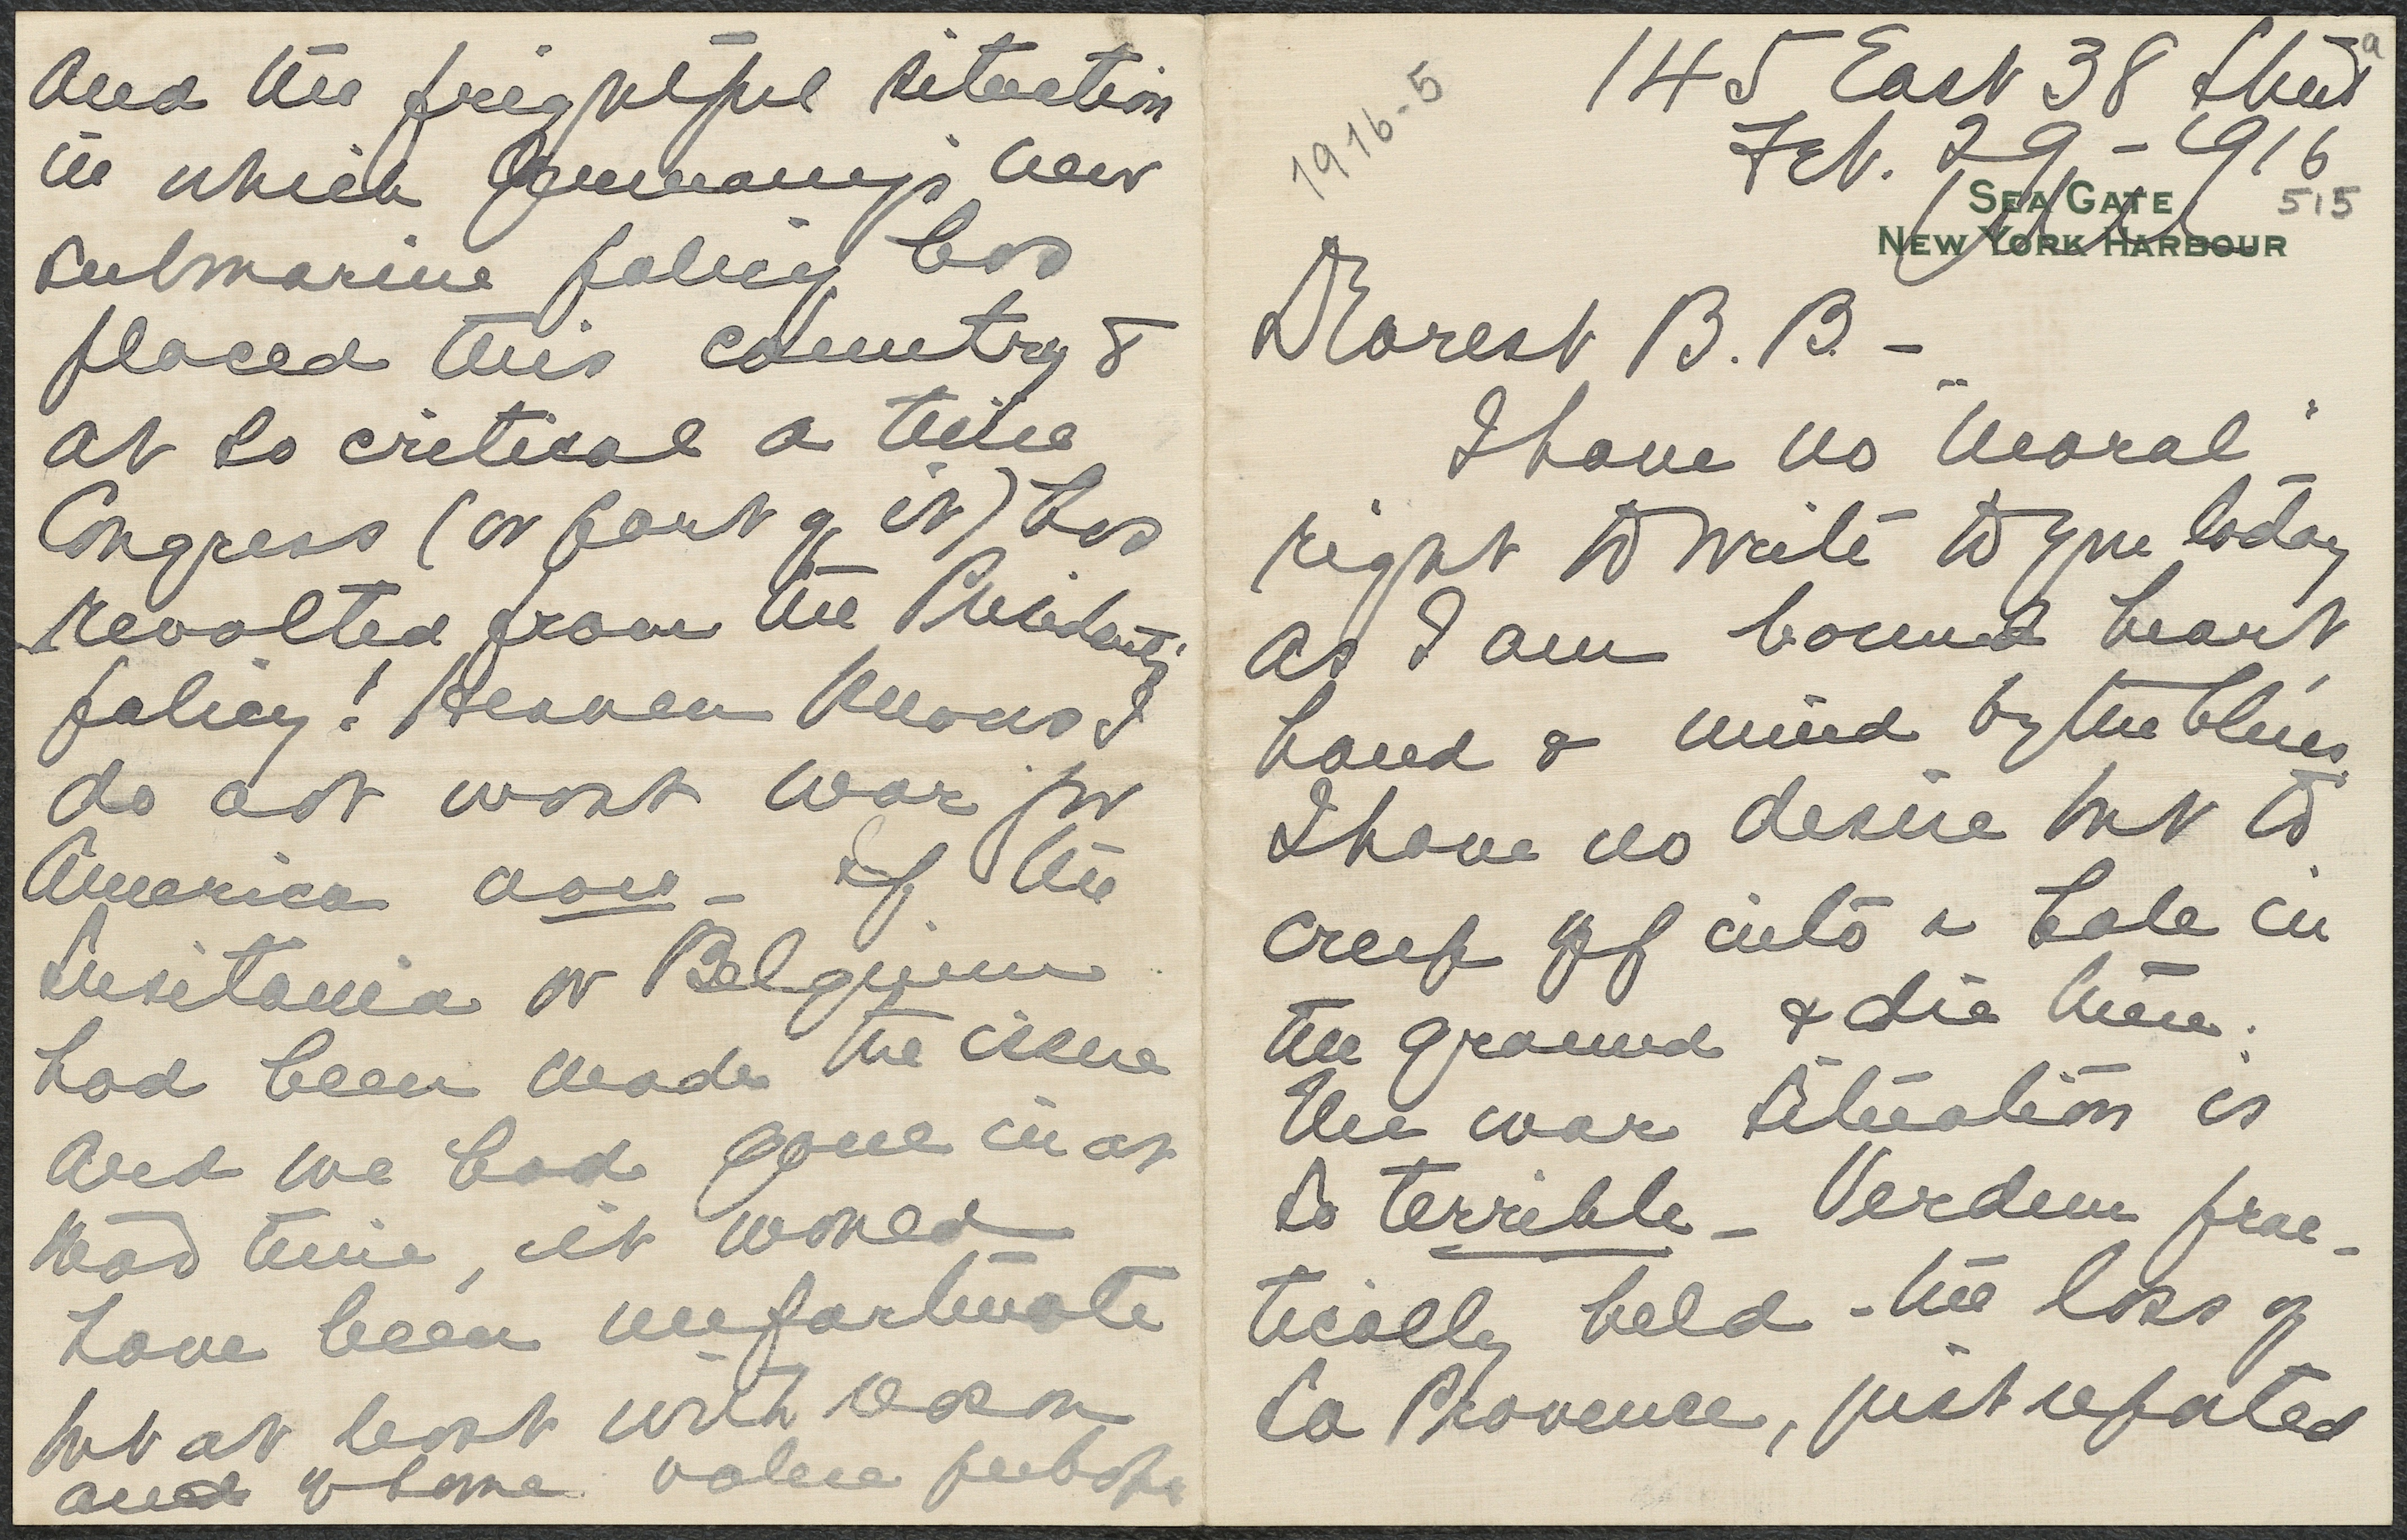145 East 38 Street
Feb. 29 – 1916
Dearest B.B. –
I have no "moral" right to write to you today as I am bound heart, hand & mind by the blues, I have no desire but to creep off into a hole in the ground & die there: the war situation is so terrible – Verdun practically held – the loss of La Provence just reported
and the frightful situation in which Germany's new submarine policy has placed this country & at so critical a time Congress (or part of it) has revolted from the President's policy! Heaven knows I do not want war for America now – if the Lusitania or Belgium had been made the issue and we had gave in at that time, it would have been unfortunate but at least with reason and of some value perhaps